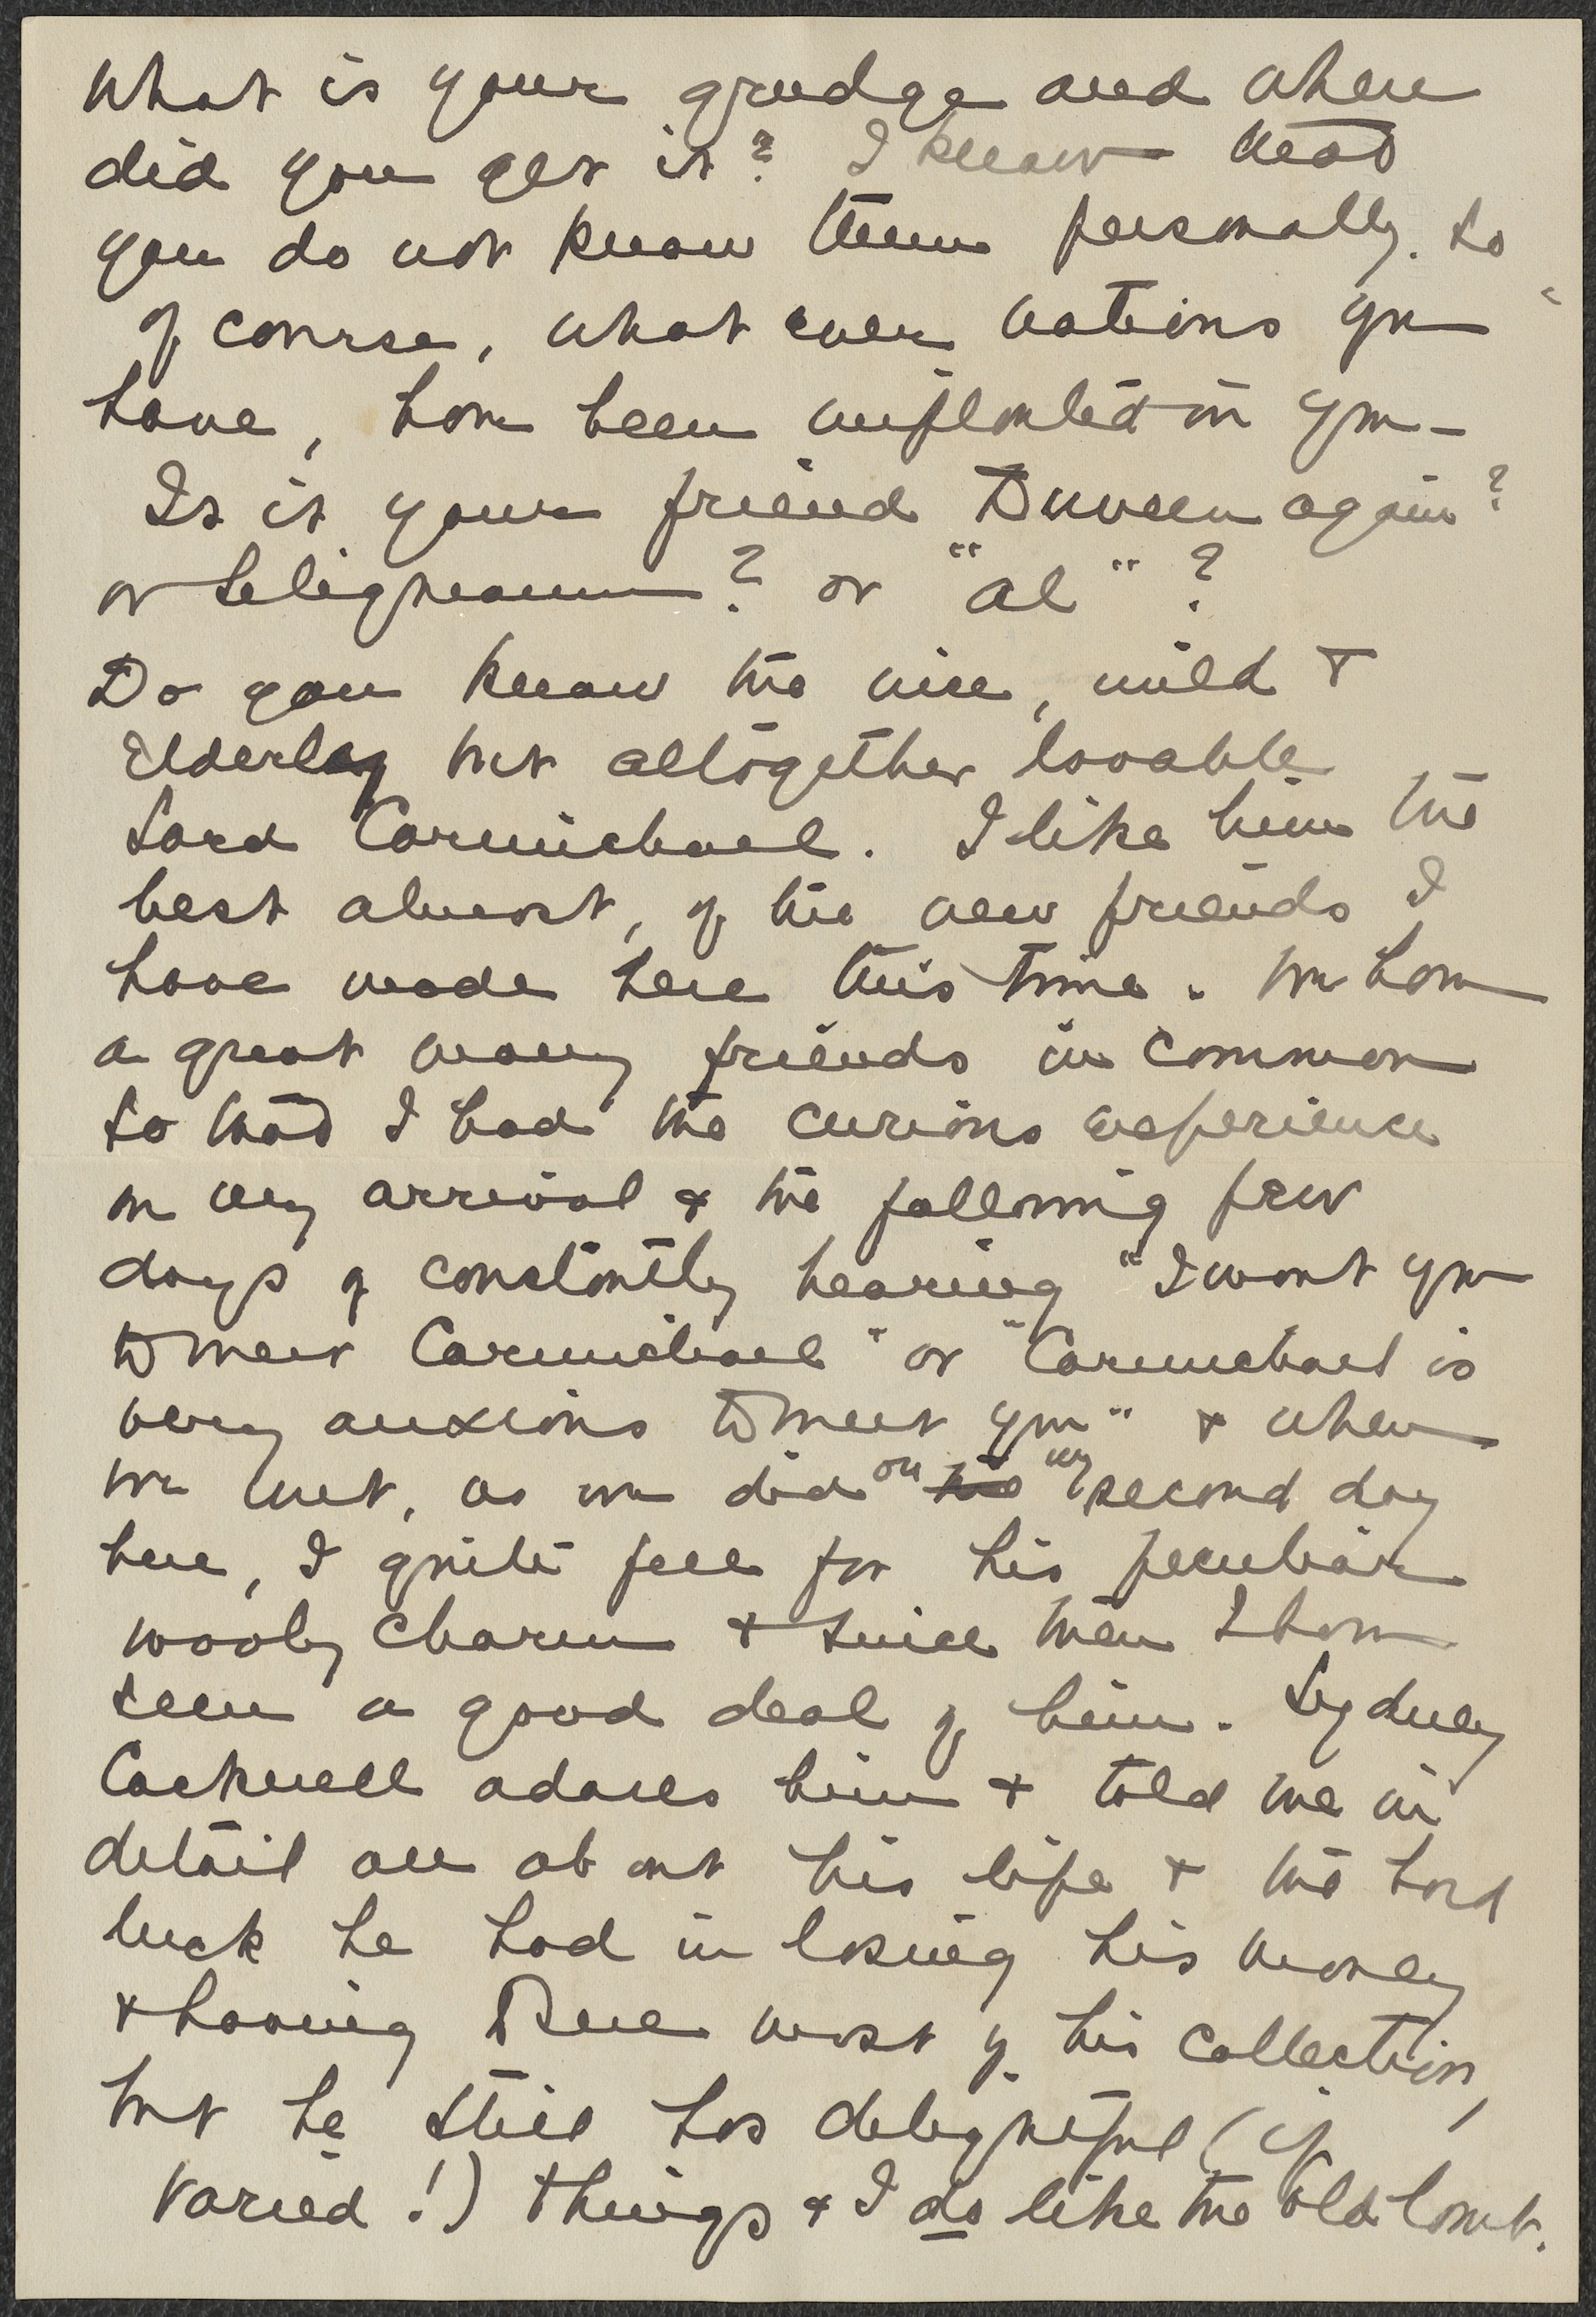What is your grudge and when did you get it? I know that you do not know them personally so of course, what ever notions you have, have been implanted in you –
Is it your friend Duveen again? or Seligmann? or "Al"?
Do you know the wise, mild & elderly but altogether loveable Lord Carmichael. I like him the best almost, of the new friends I have made here this time. We have a great many friends in common so that I had the curious experience on my arrival & the following few days of constantly hearing "I want you to meet Carmichael" or "Carmicheal is very anxious to meet you" & when we met, as we did [^on^] the [^my^] second day here, I quite fell for his peculiar wooly charm & since then I have seen a good deal of him. Sydney Cockerell adores him & told me in detail all about his life & the bad luck he had in losing his money & having to sell most of his collection, but he still has delightful (if varied!) things & I do like the old lamb.